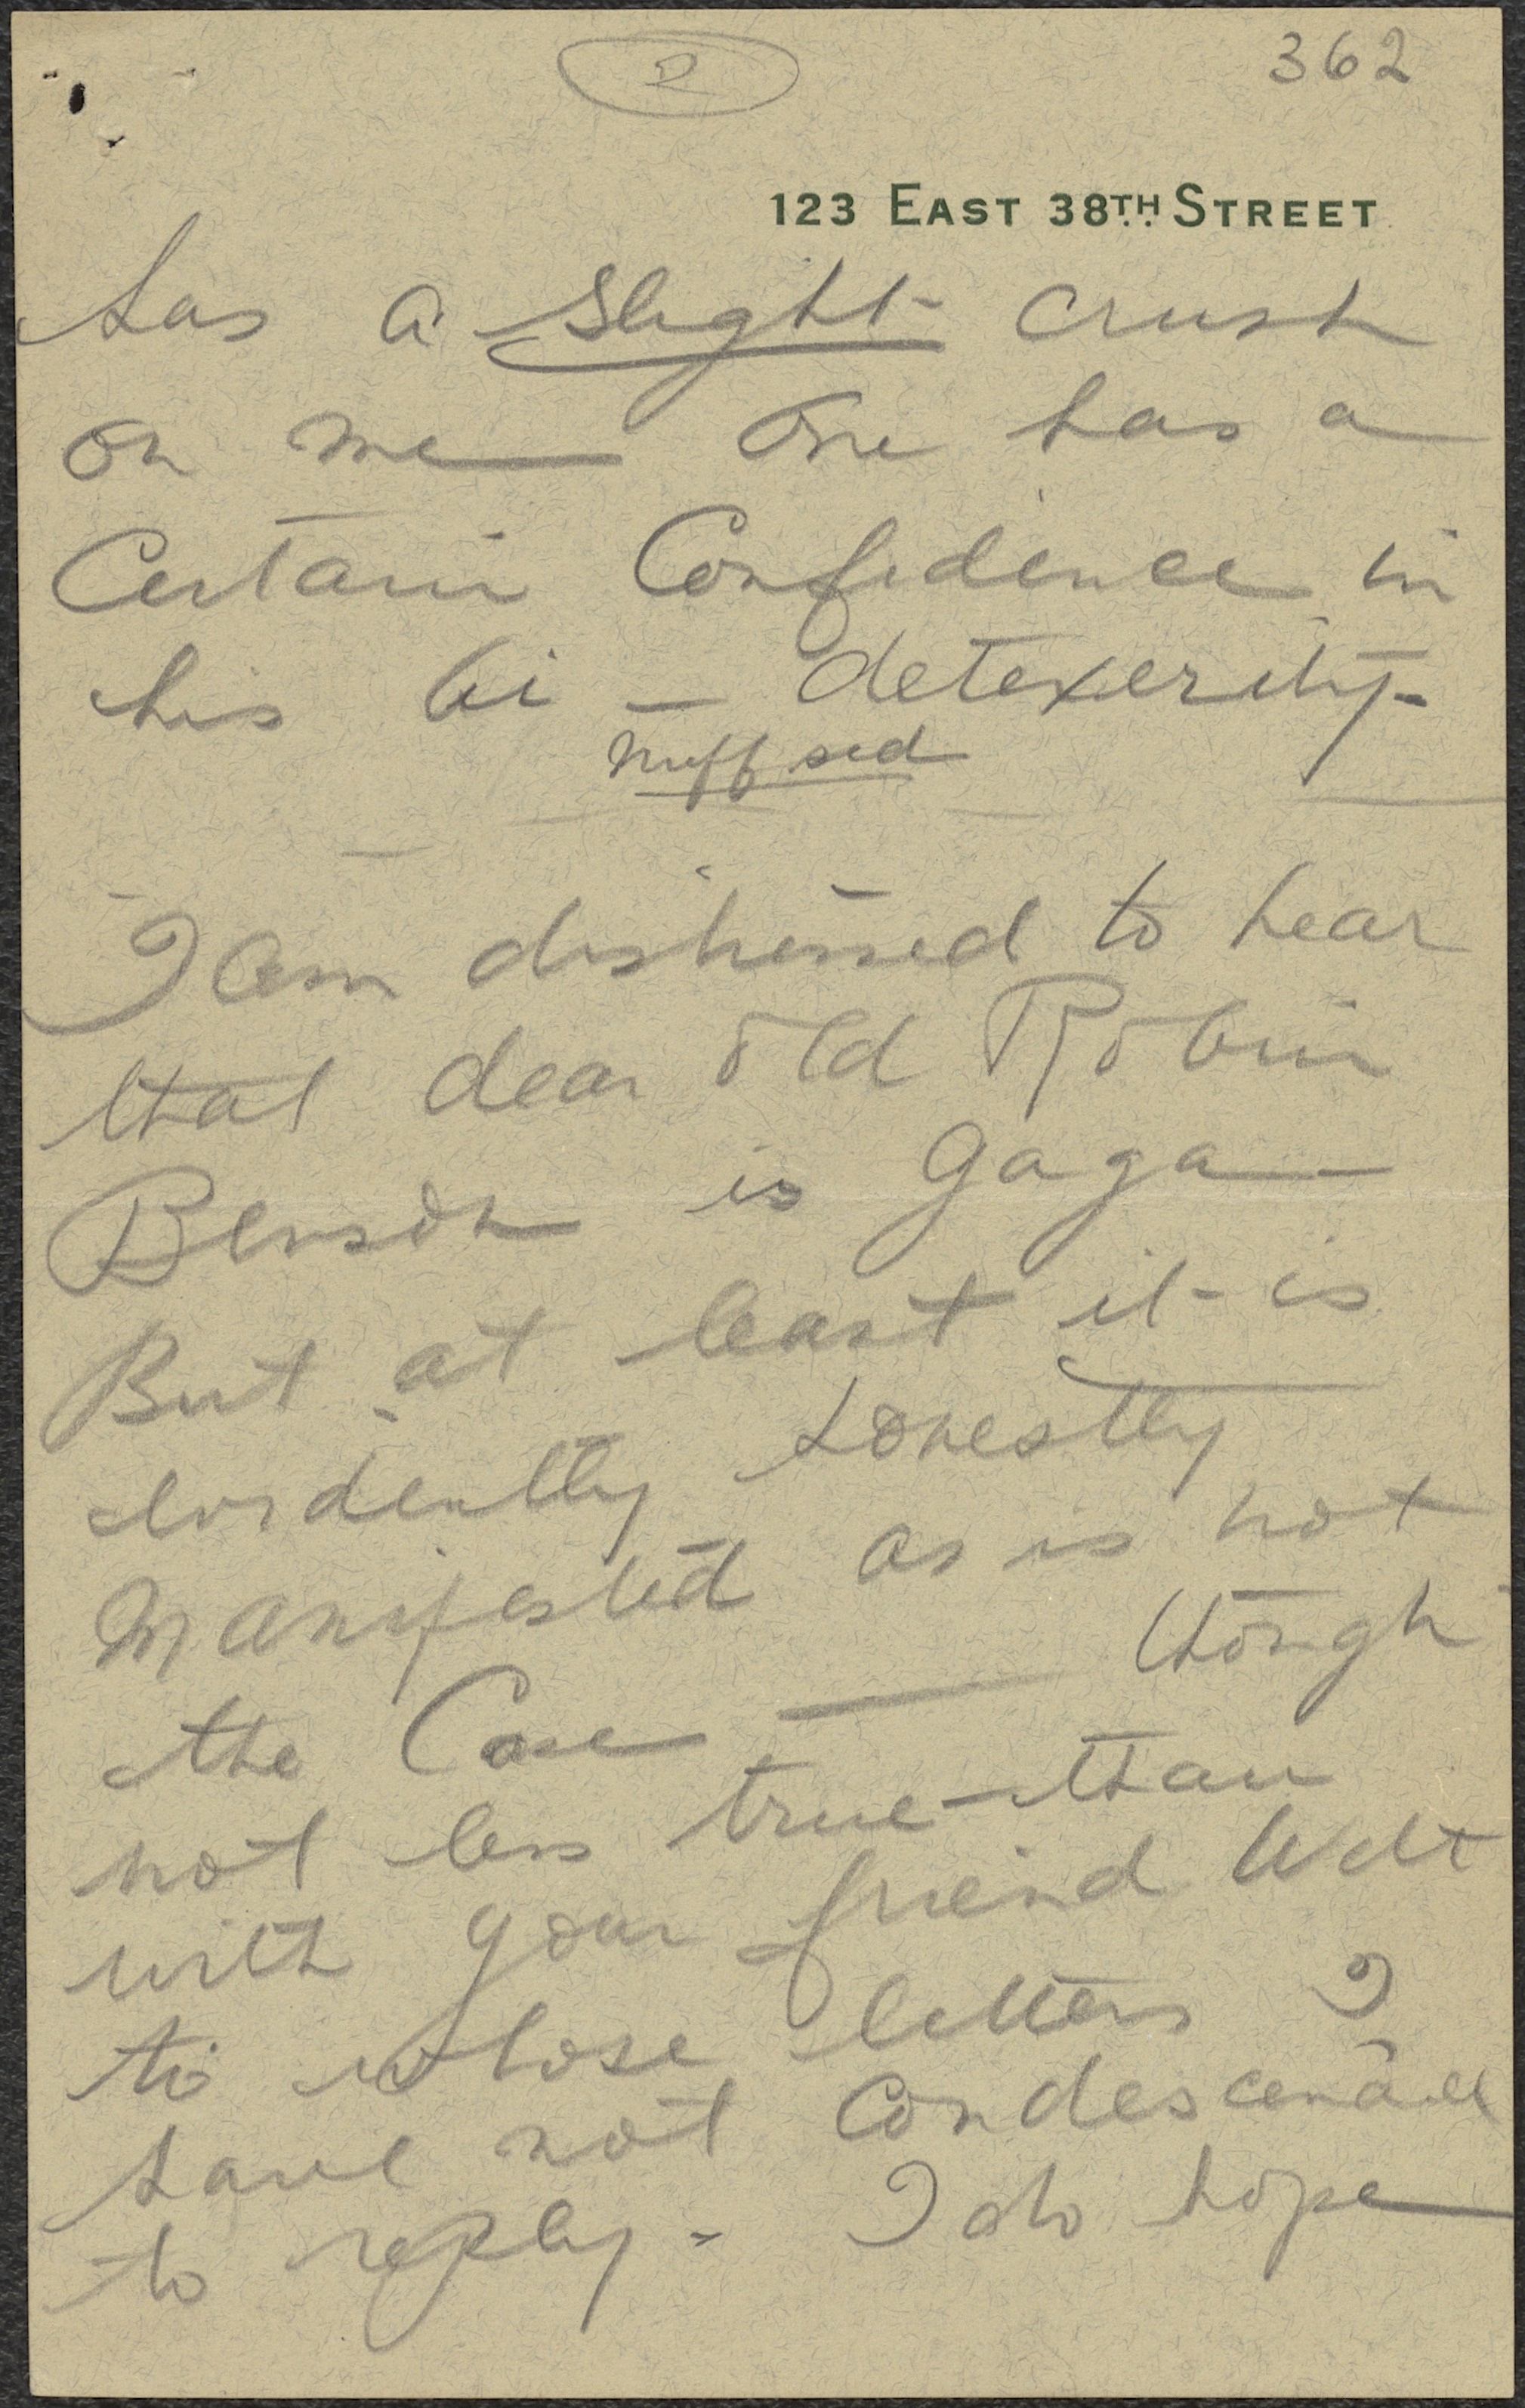has a slight crush on me – one has a certain confidence in his bi-detexerity –
Nuff sed –
I am distressed to hear that dear old Robin Benson is gaga – But at least it is evidently honestly manifested as is not the case – though not less true – than with your friend Walt to whose letters I have not condescended to reply. I do hope